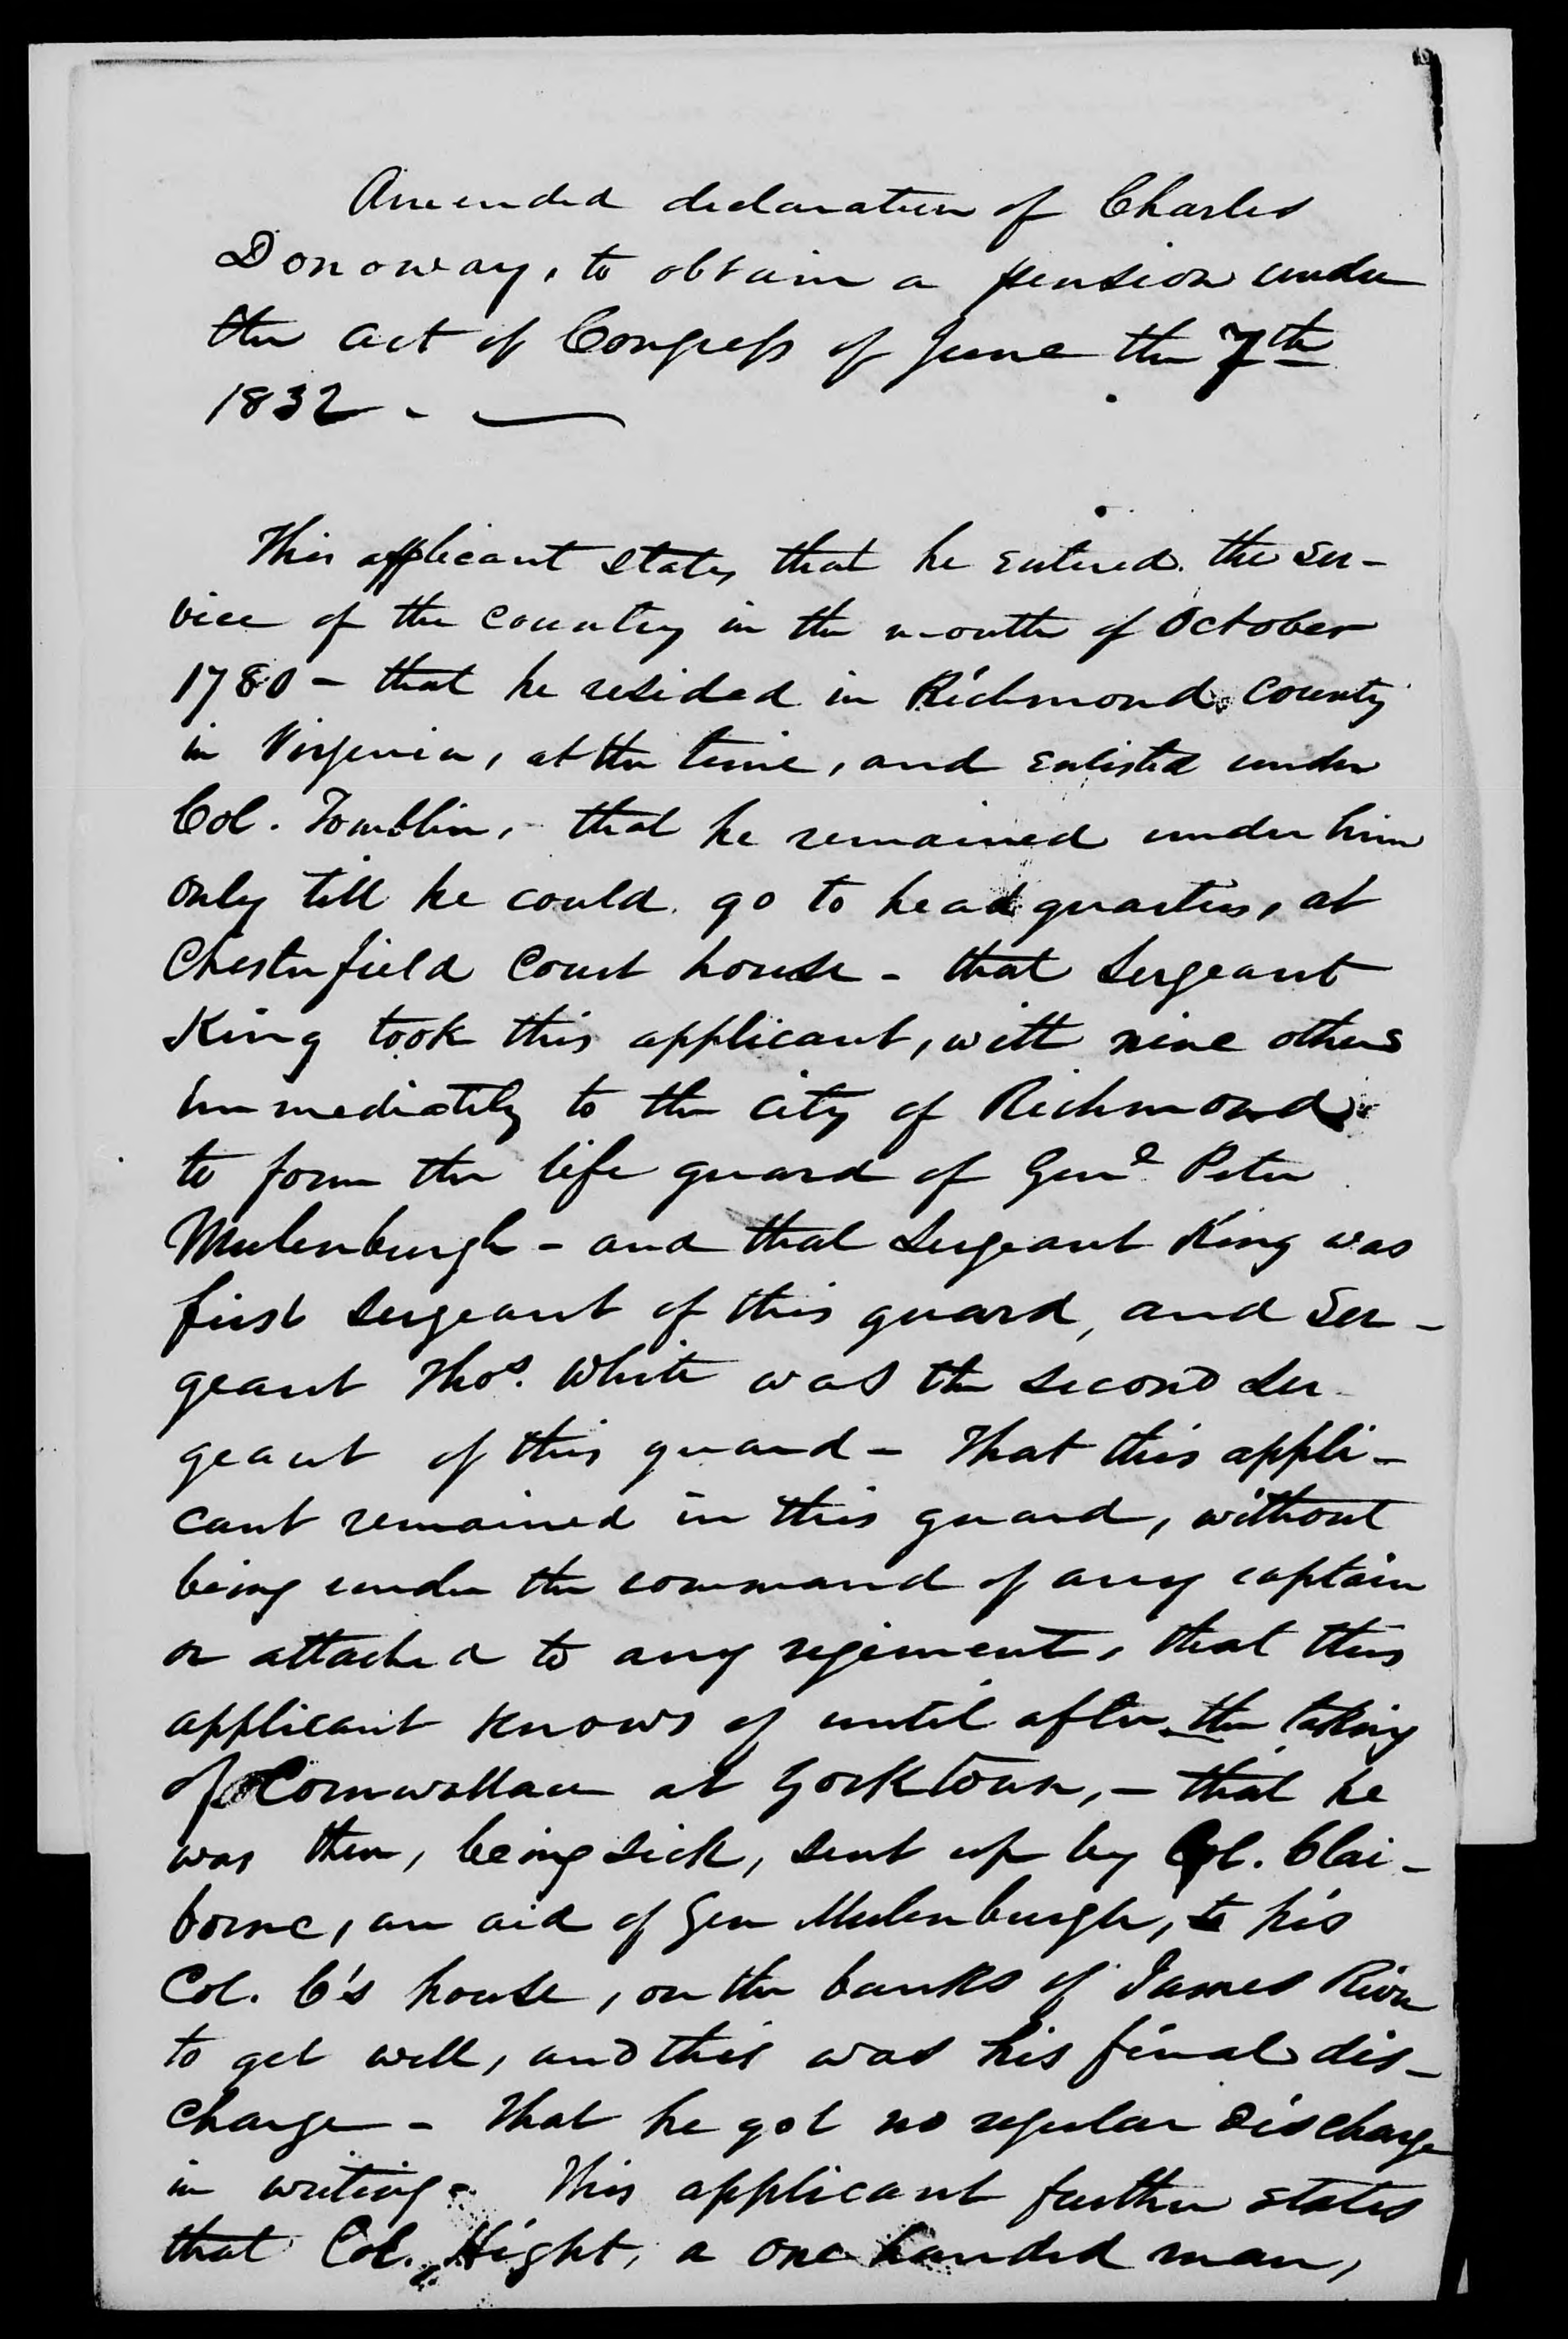Amended declaration of Charles Donaway, to obtain a pension under the Act of Congress of June the 7th 1832 
This applicant states that he entered the service of the country in the month of October 1780 - that he resided in Richmond County in Virginia, at the time, and enlisted under Col. Tomblin, that he remained under him only till he could go to headquarters, at Chesterfield Court House - that Sergeant King took this applicant, with nine others immediately to the city of Richmond to form the life guard of Genl. Peter Mulenburgh - and that Sergeant King was first Sergeant of this guard, and Sergeant Thos. White was the second Sergeant of this guard - That this applicant remained in this guard, without being under the command of any captain or attached to any regiment, that this applicant knows of until after the taking of Cornwallace at Yorktown, - that he was then, being sick, sent up by Col. Claiborne, an aid of Gen Mulenburgh, to his Col. C's house, on the banks of James River to get well, and this was his final discharge - That he got no regular discharge in writing - This applicant further states that Col. Hight, a one handed man,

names: Hight, King, Claiborne, Mulenburgh, Tomblin, Peter Mulenburgh, Charles Donaway, King, Thos White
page: 9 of 29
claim: rejected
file: R. 3010, Charles Donaway, Va.